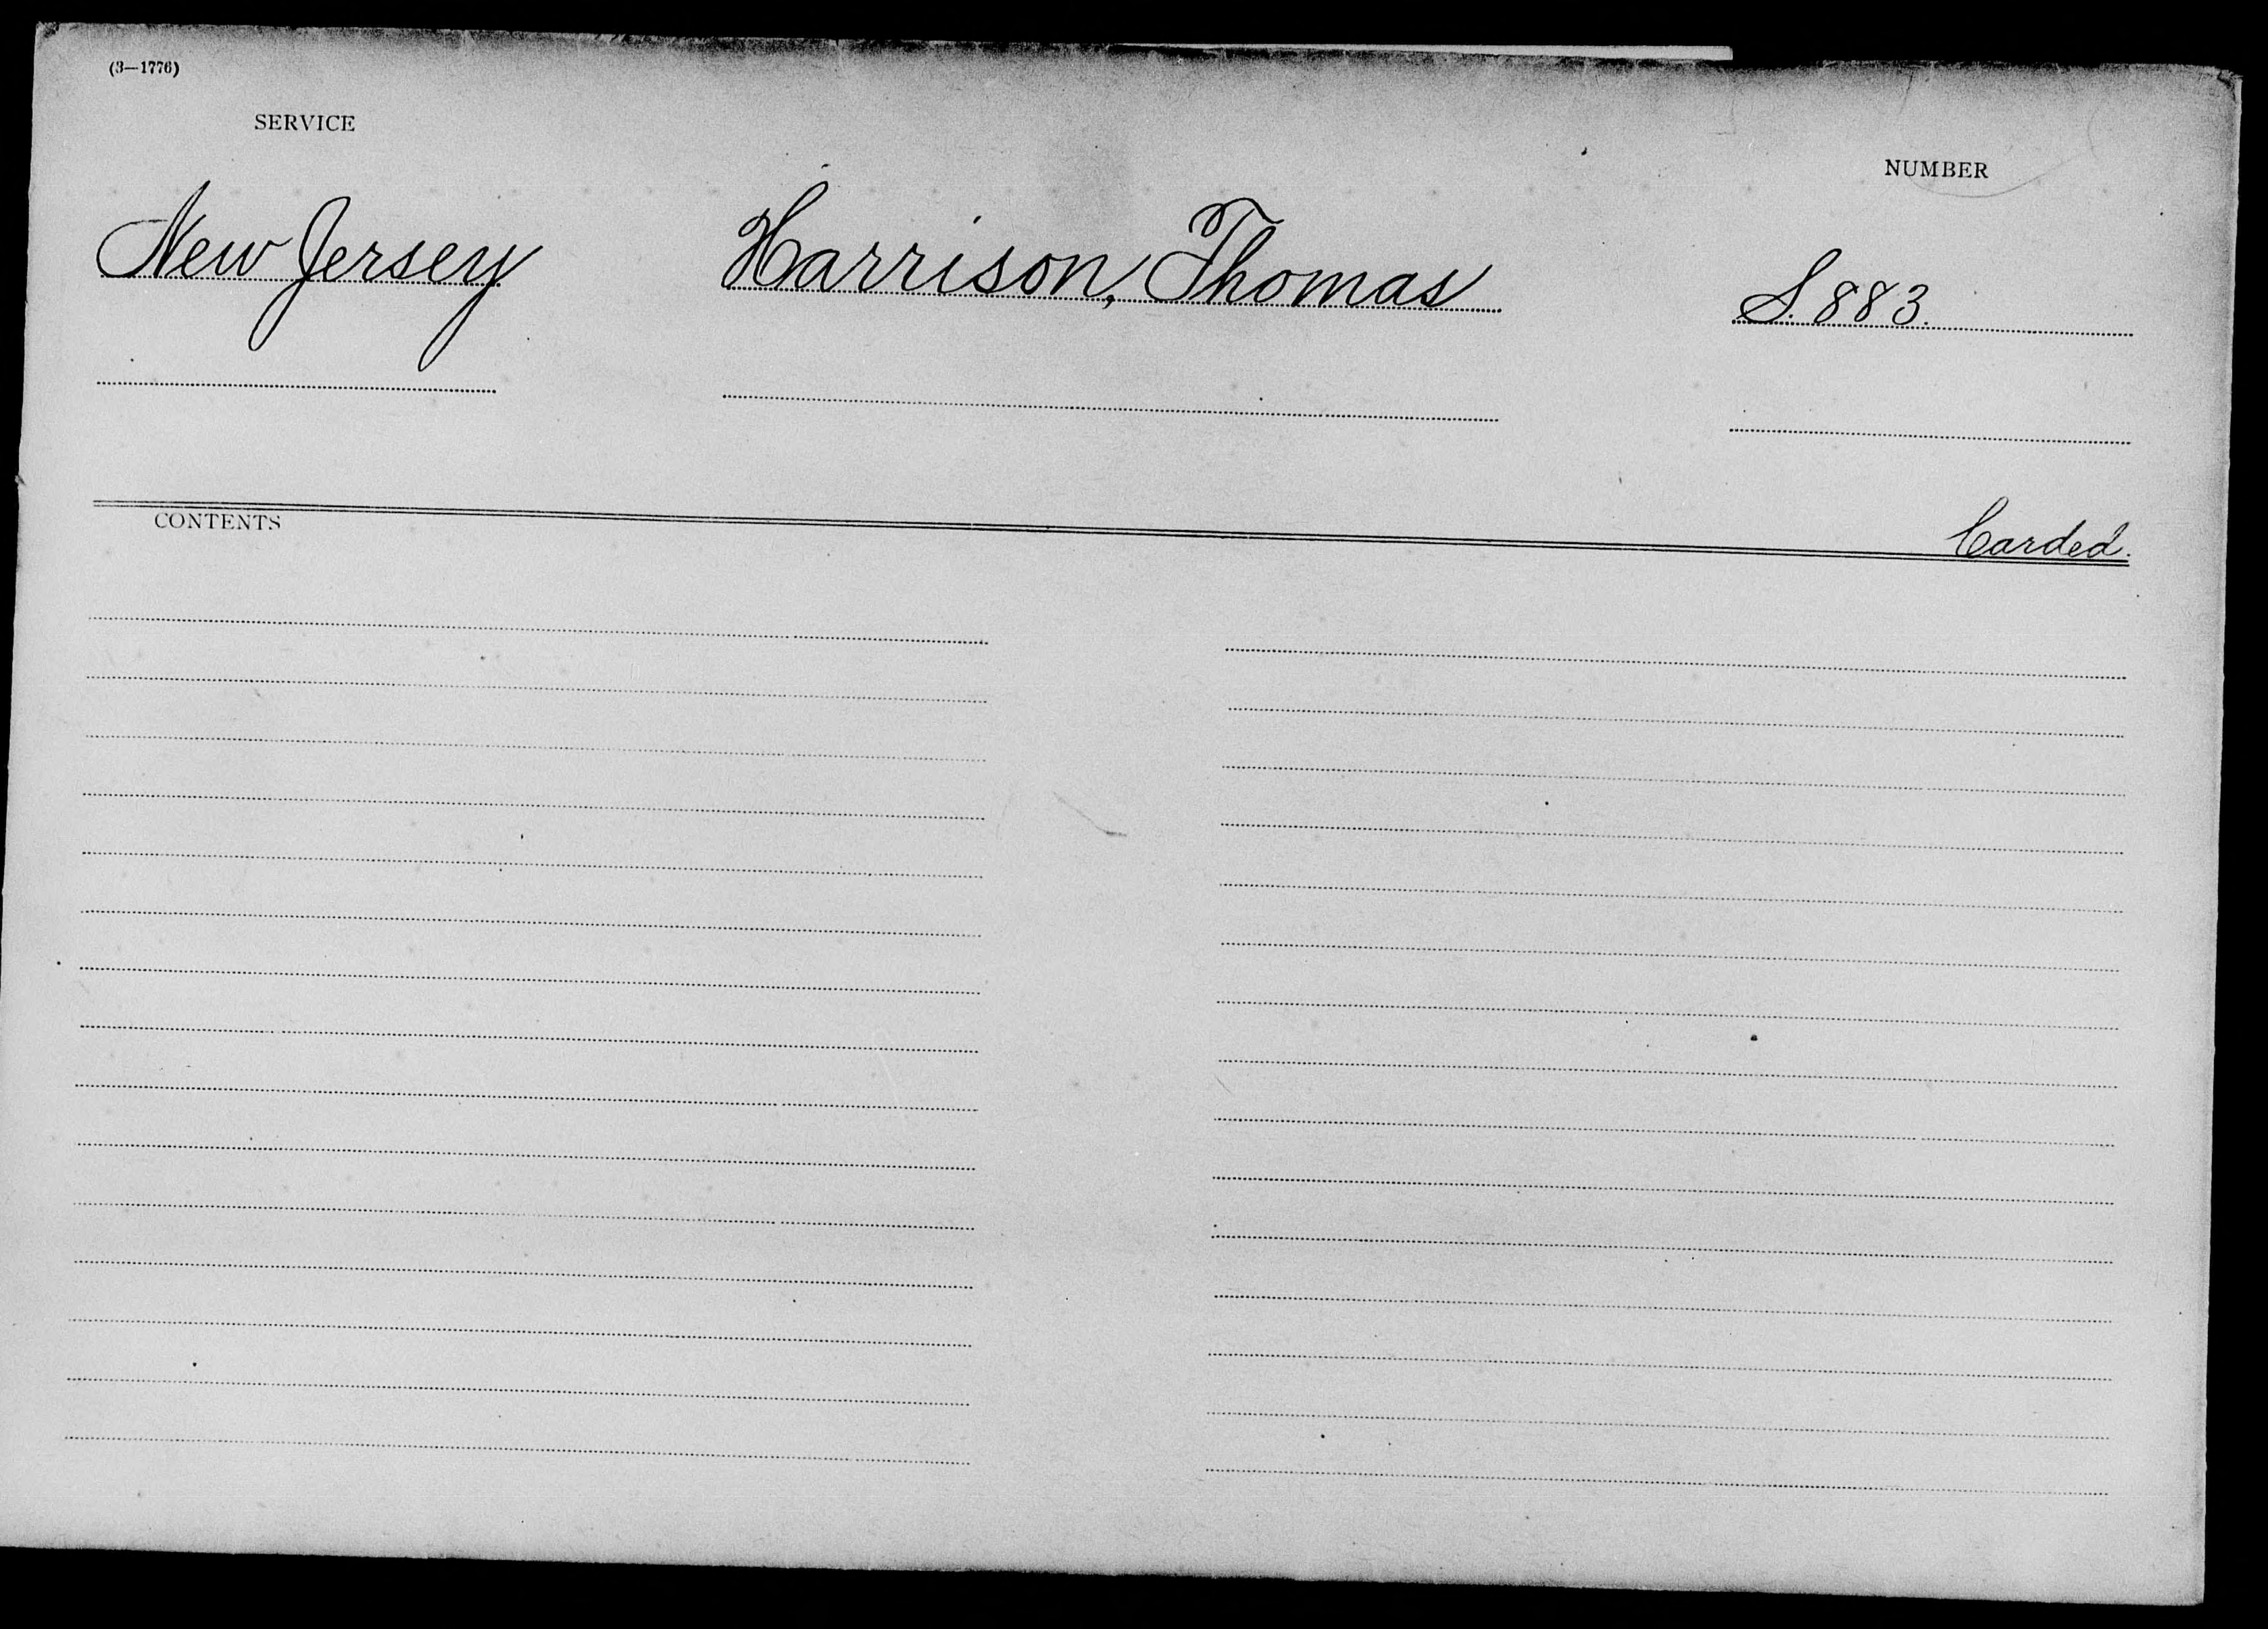New Jersey          Harrison, Thomas       S883
Carded.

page: 1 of 15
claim: survivor's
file: S. 883, Thomas Harrison, New Jersey